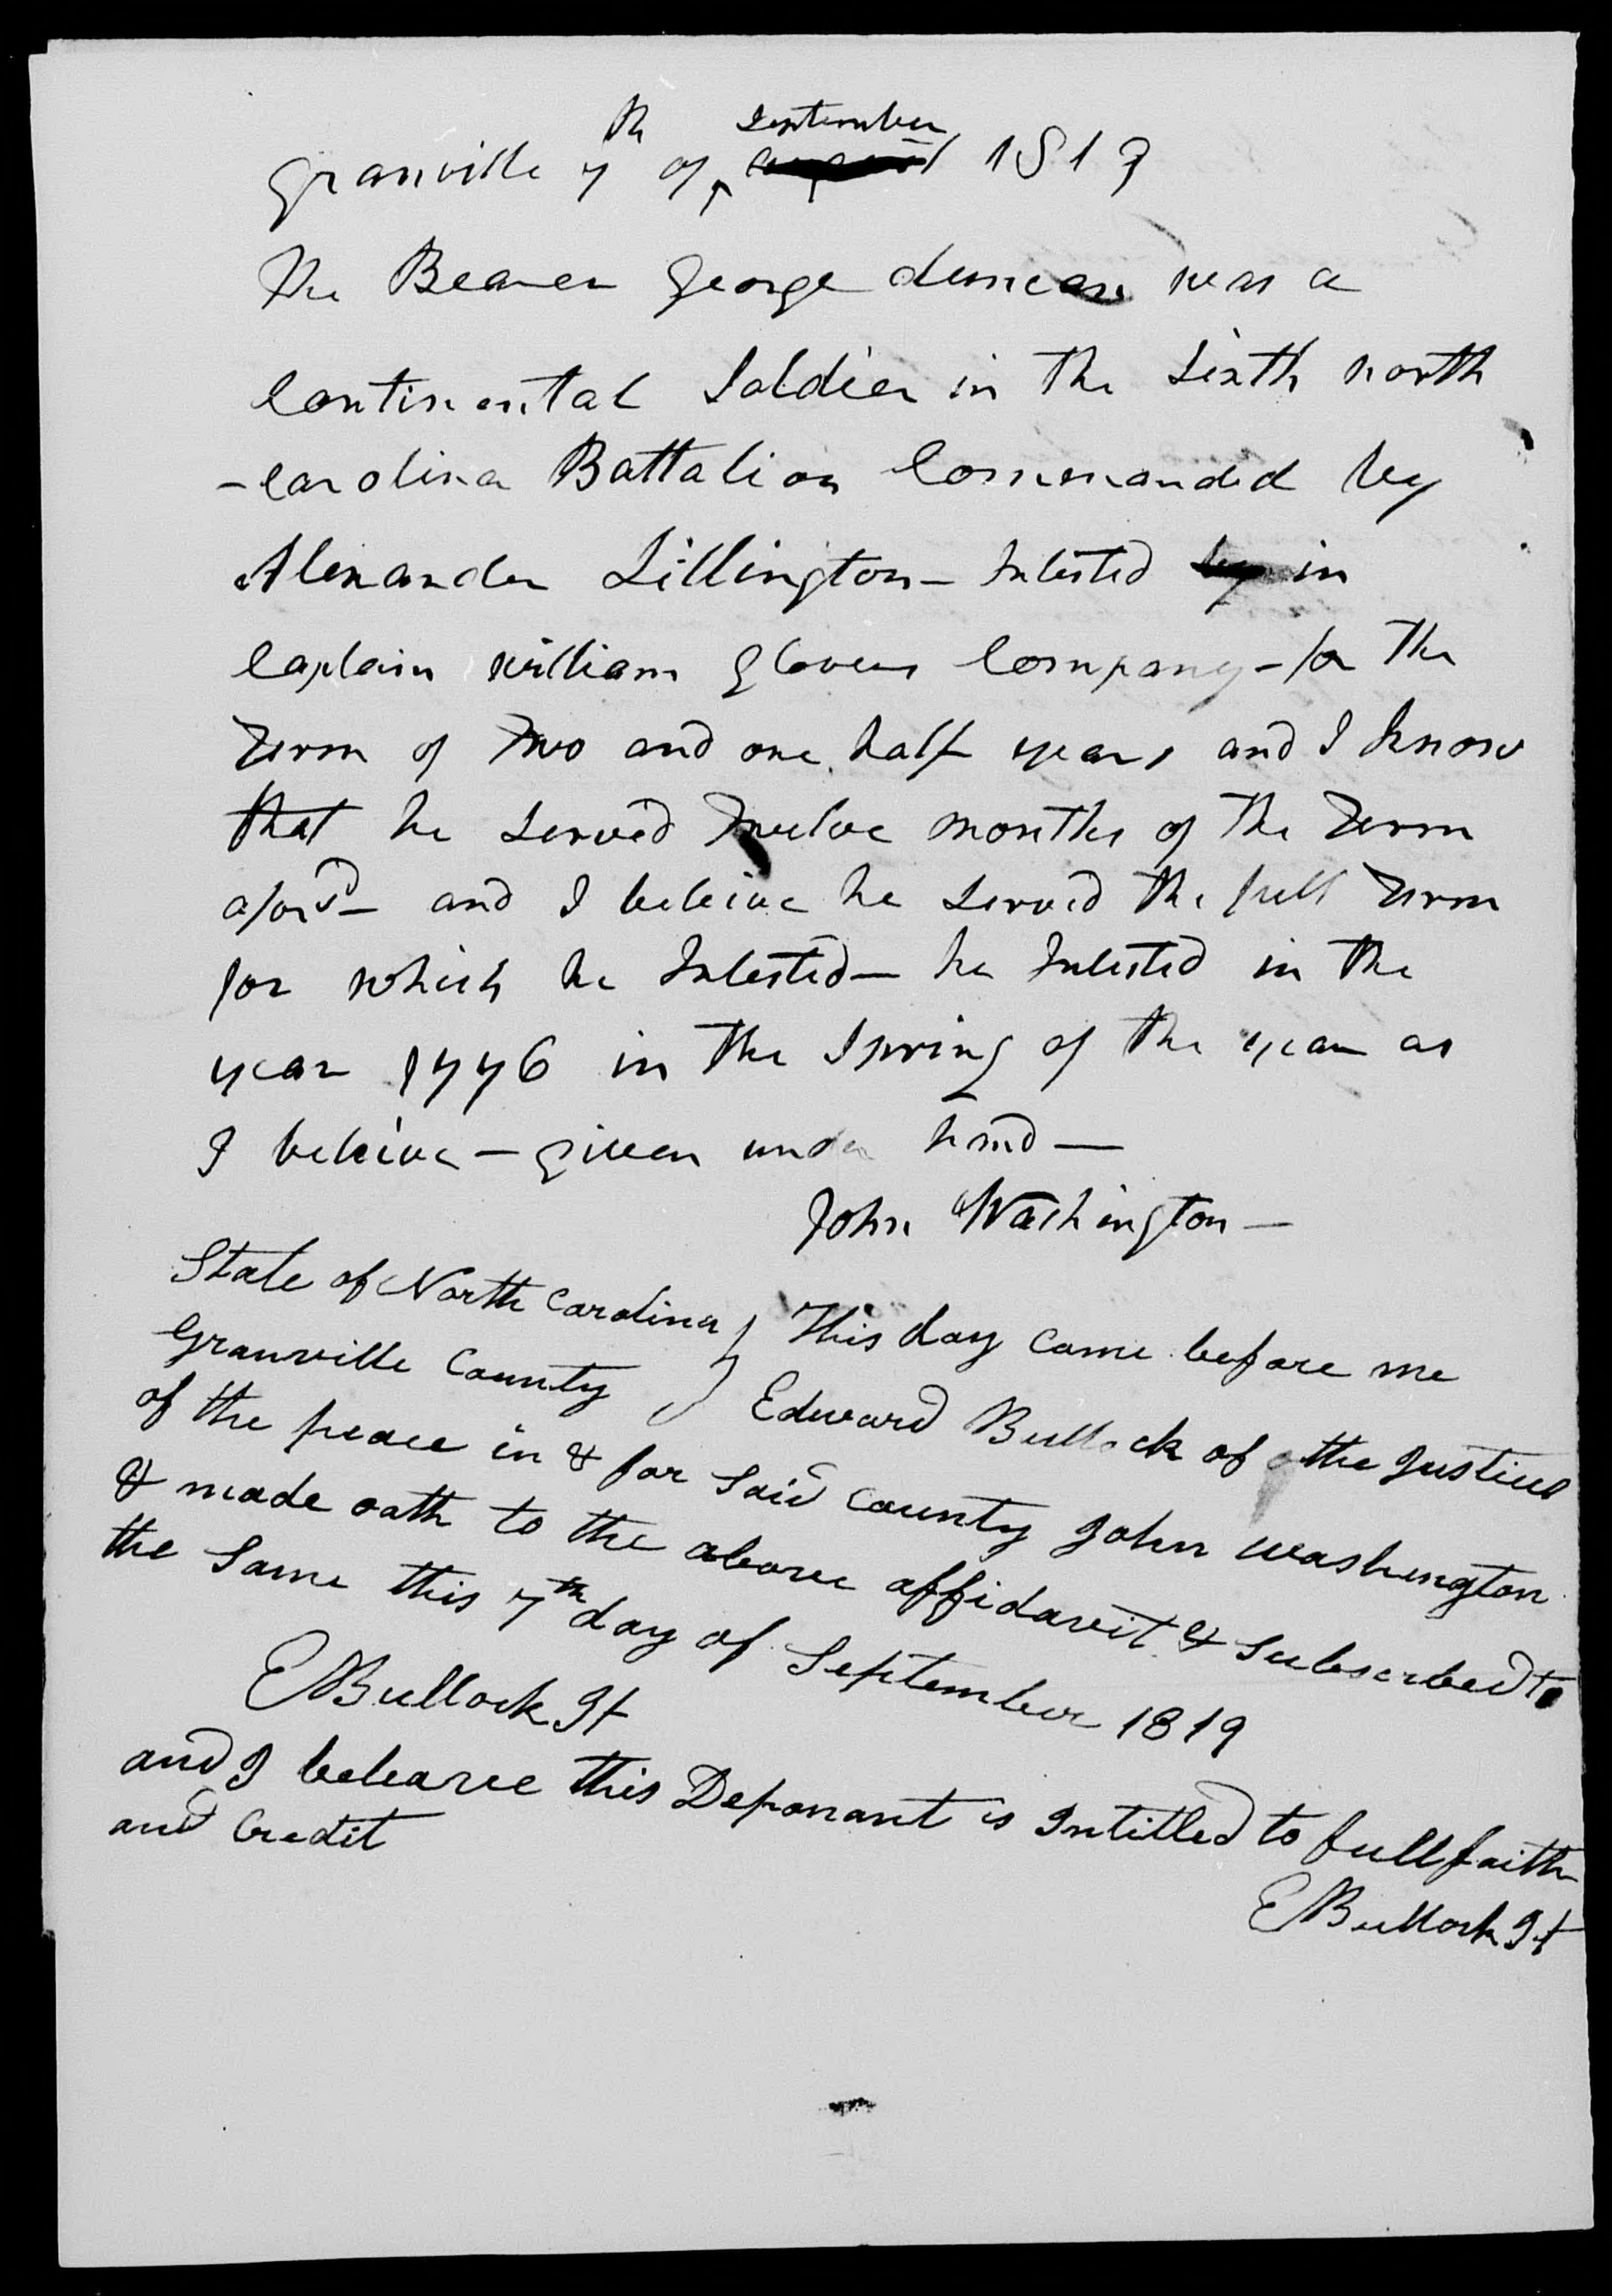Granville  7th of September 1819

The Bearer George Duncan was a Continental Soldier in the sixth North Carolina Battalion commanded by Alexander Lillington.  Inlisted (sic) in Captain William Glover Company for the term of two and one half years and I know that he served twelve months of the term aforesd (aforesaid) and I beleive (sic) he served the full term for which he inlisted (sic).  He inlisted in the year 1776 in the Spring of the year as I believe given under hand.
John Washington

State of North Carolina
Granville County            }  This day came before me Edward Bullok of the Justices of the Peace in & for said County , John Washington & made oath to the above affidavit & subscribed to the same this 7th day of September 1819.

E Bullock, JP
and I believe this Deponant [sic] is intitled  [sic] to full faith and credit. 
E Bullock Justice of the peace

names: Alexander Lillington, Edward Bullock, E Bullock, E Bullock, John Washington, John Washington, George Duncan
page: 17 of 49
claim: survivor's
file: S. 41513, George Duncan, N.C.